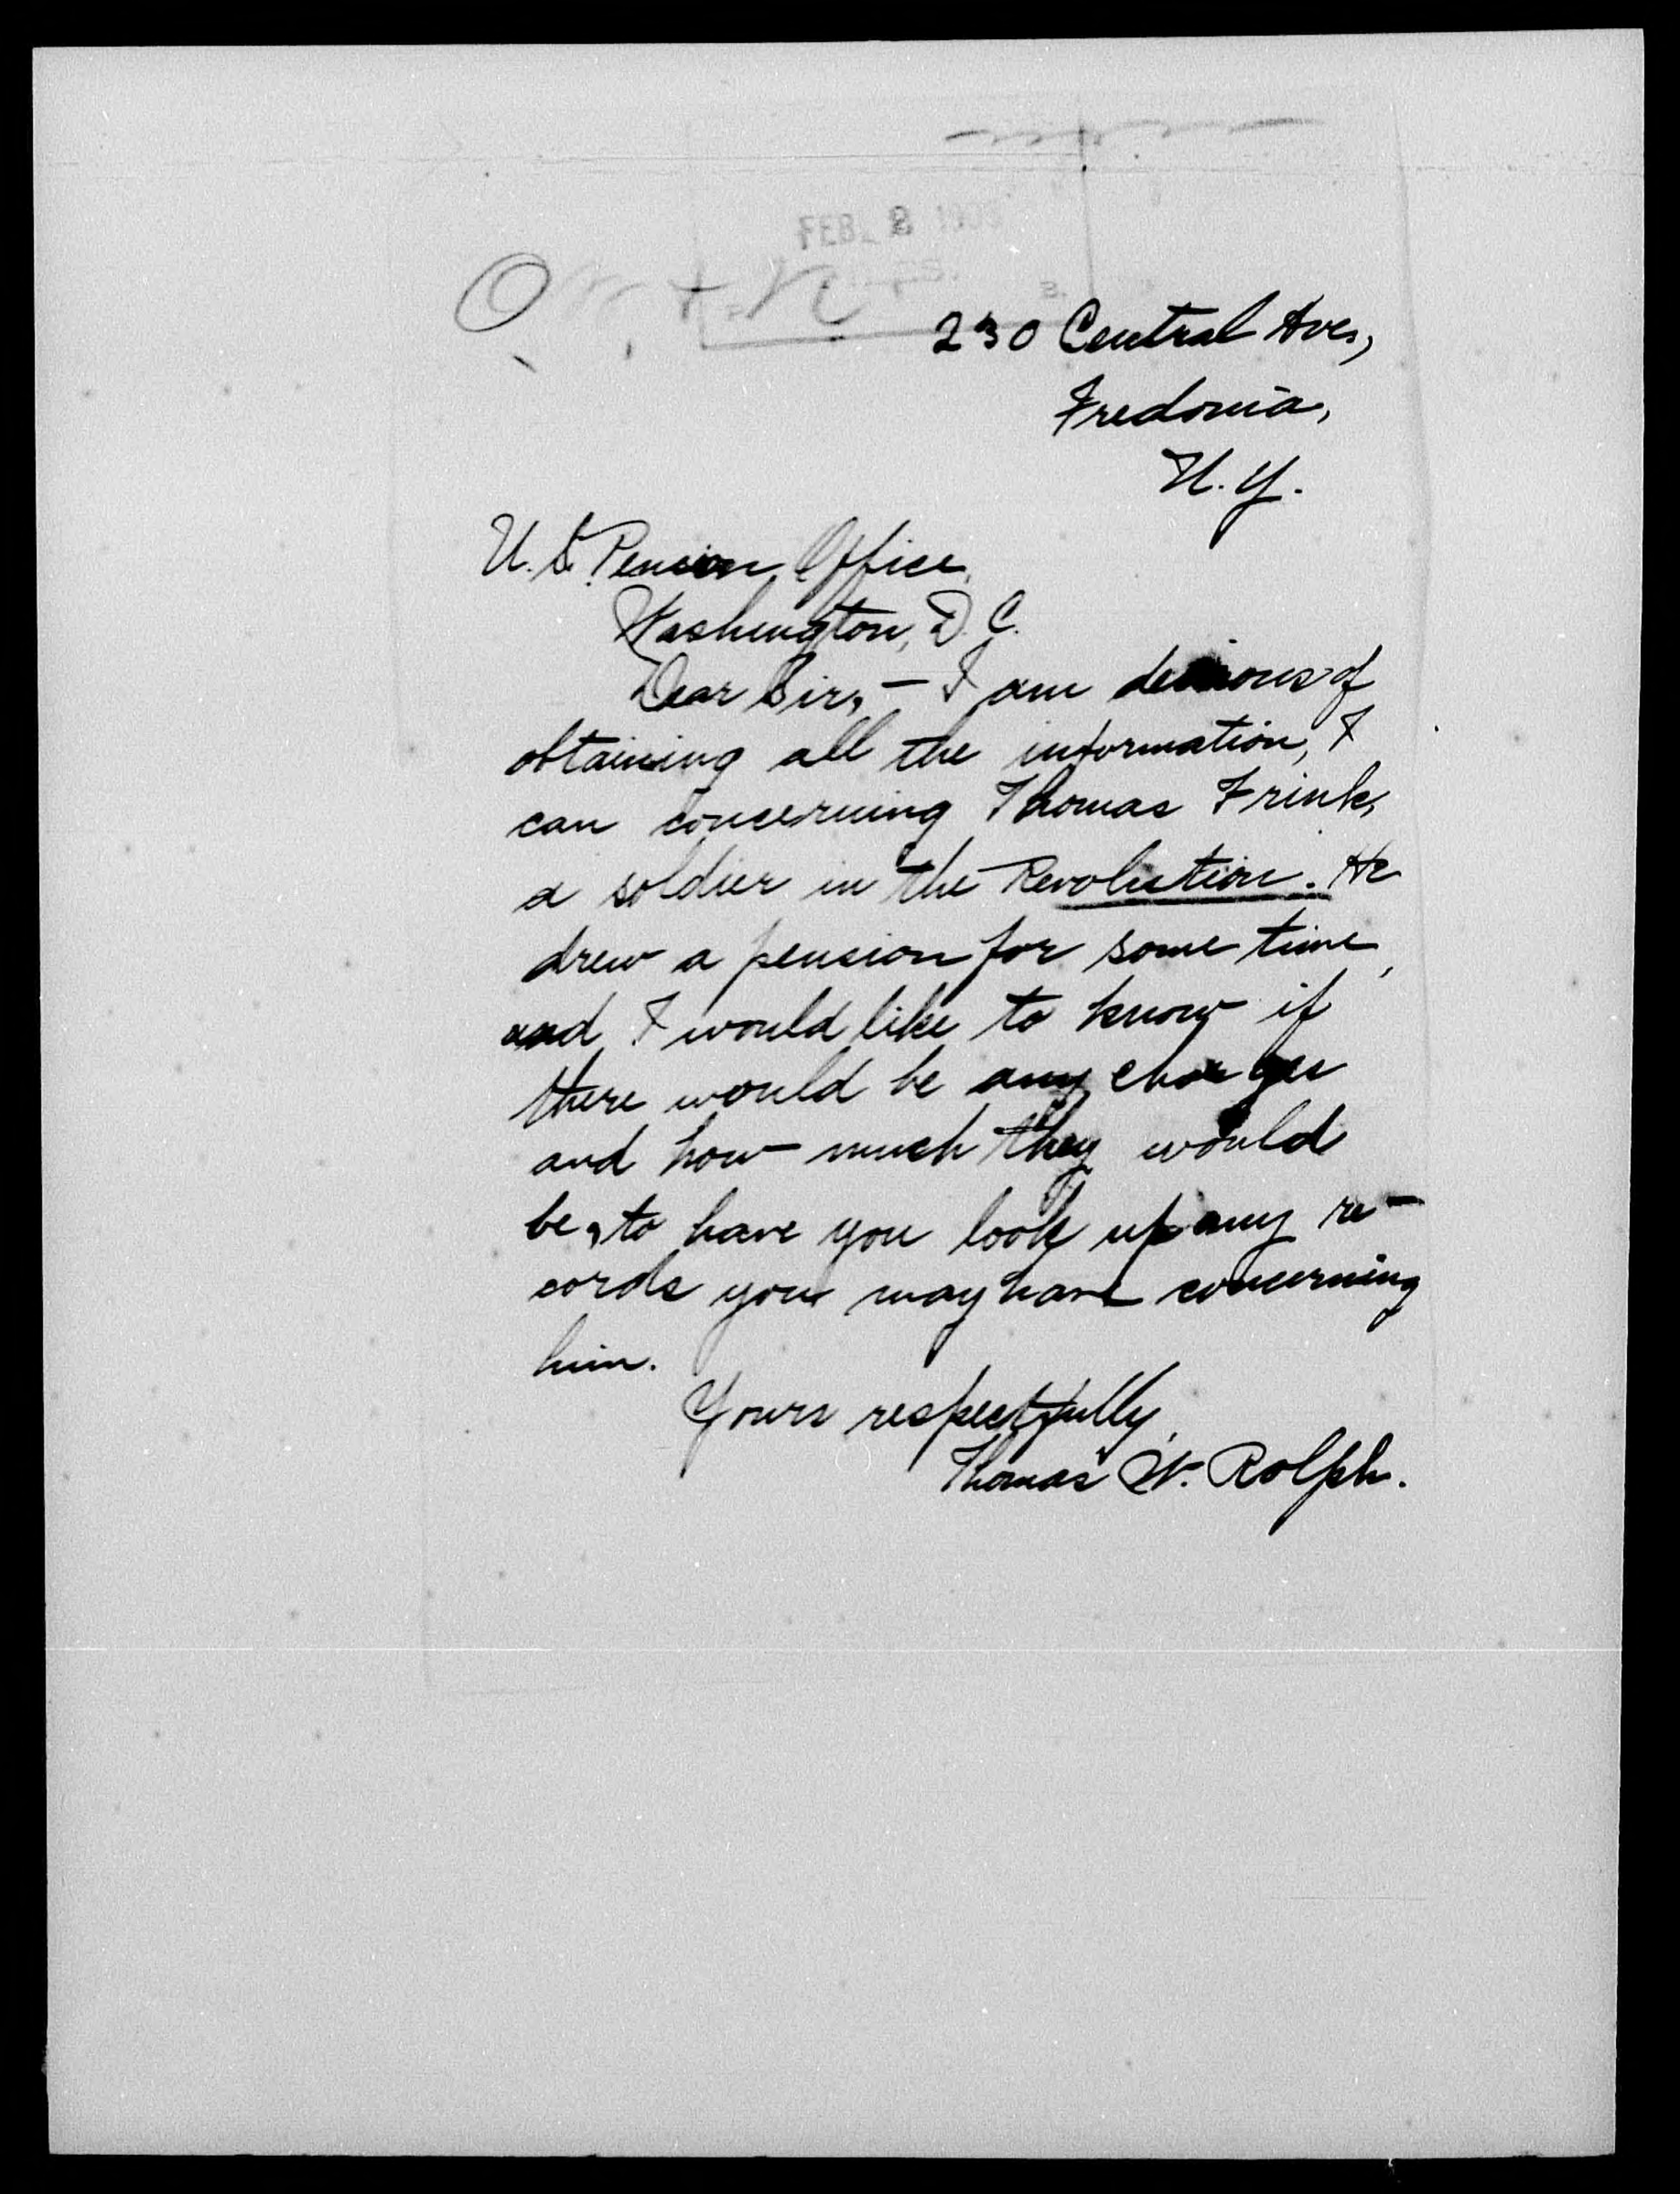[rectangular stamp reads:]                     FEB 2, 1903
                                                            P         FILES       B
    [ handwritten over it  
are the letters:]    O. M. + N.

U. S. Pension Office
   Washington, C. C. 
     Dear Sirs - I am  desires of obtaining all the information, I can concerning Thomas Frink, a soldier in the Revolution.  He drew a pension for some time and I would like to know if there would be any charges and how much they would be, to have you look up any records you may have concerning him.
         Yours respectfully,
              Thomas W, Rolph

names: Thomas W Rolph, Thomas Frink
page: 27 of 33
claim: survivor's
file: S 43571, Thomas Frink, Mass.